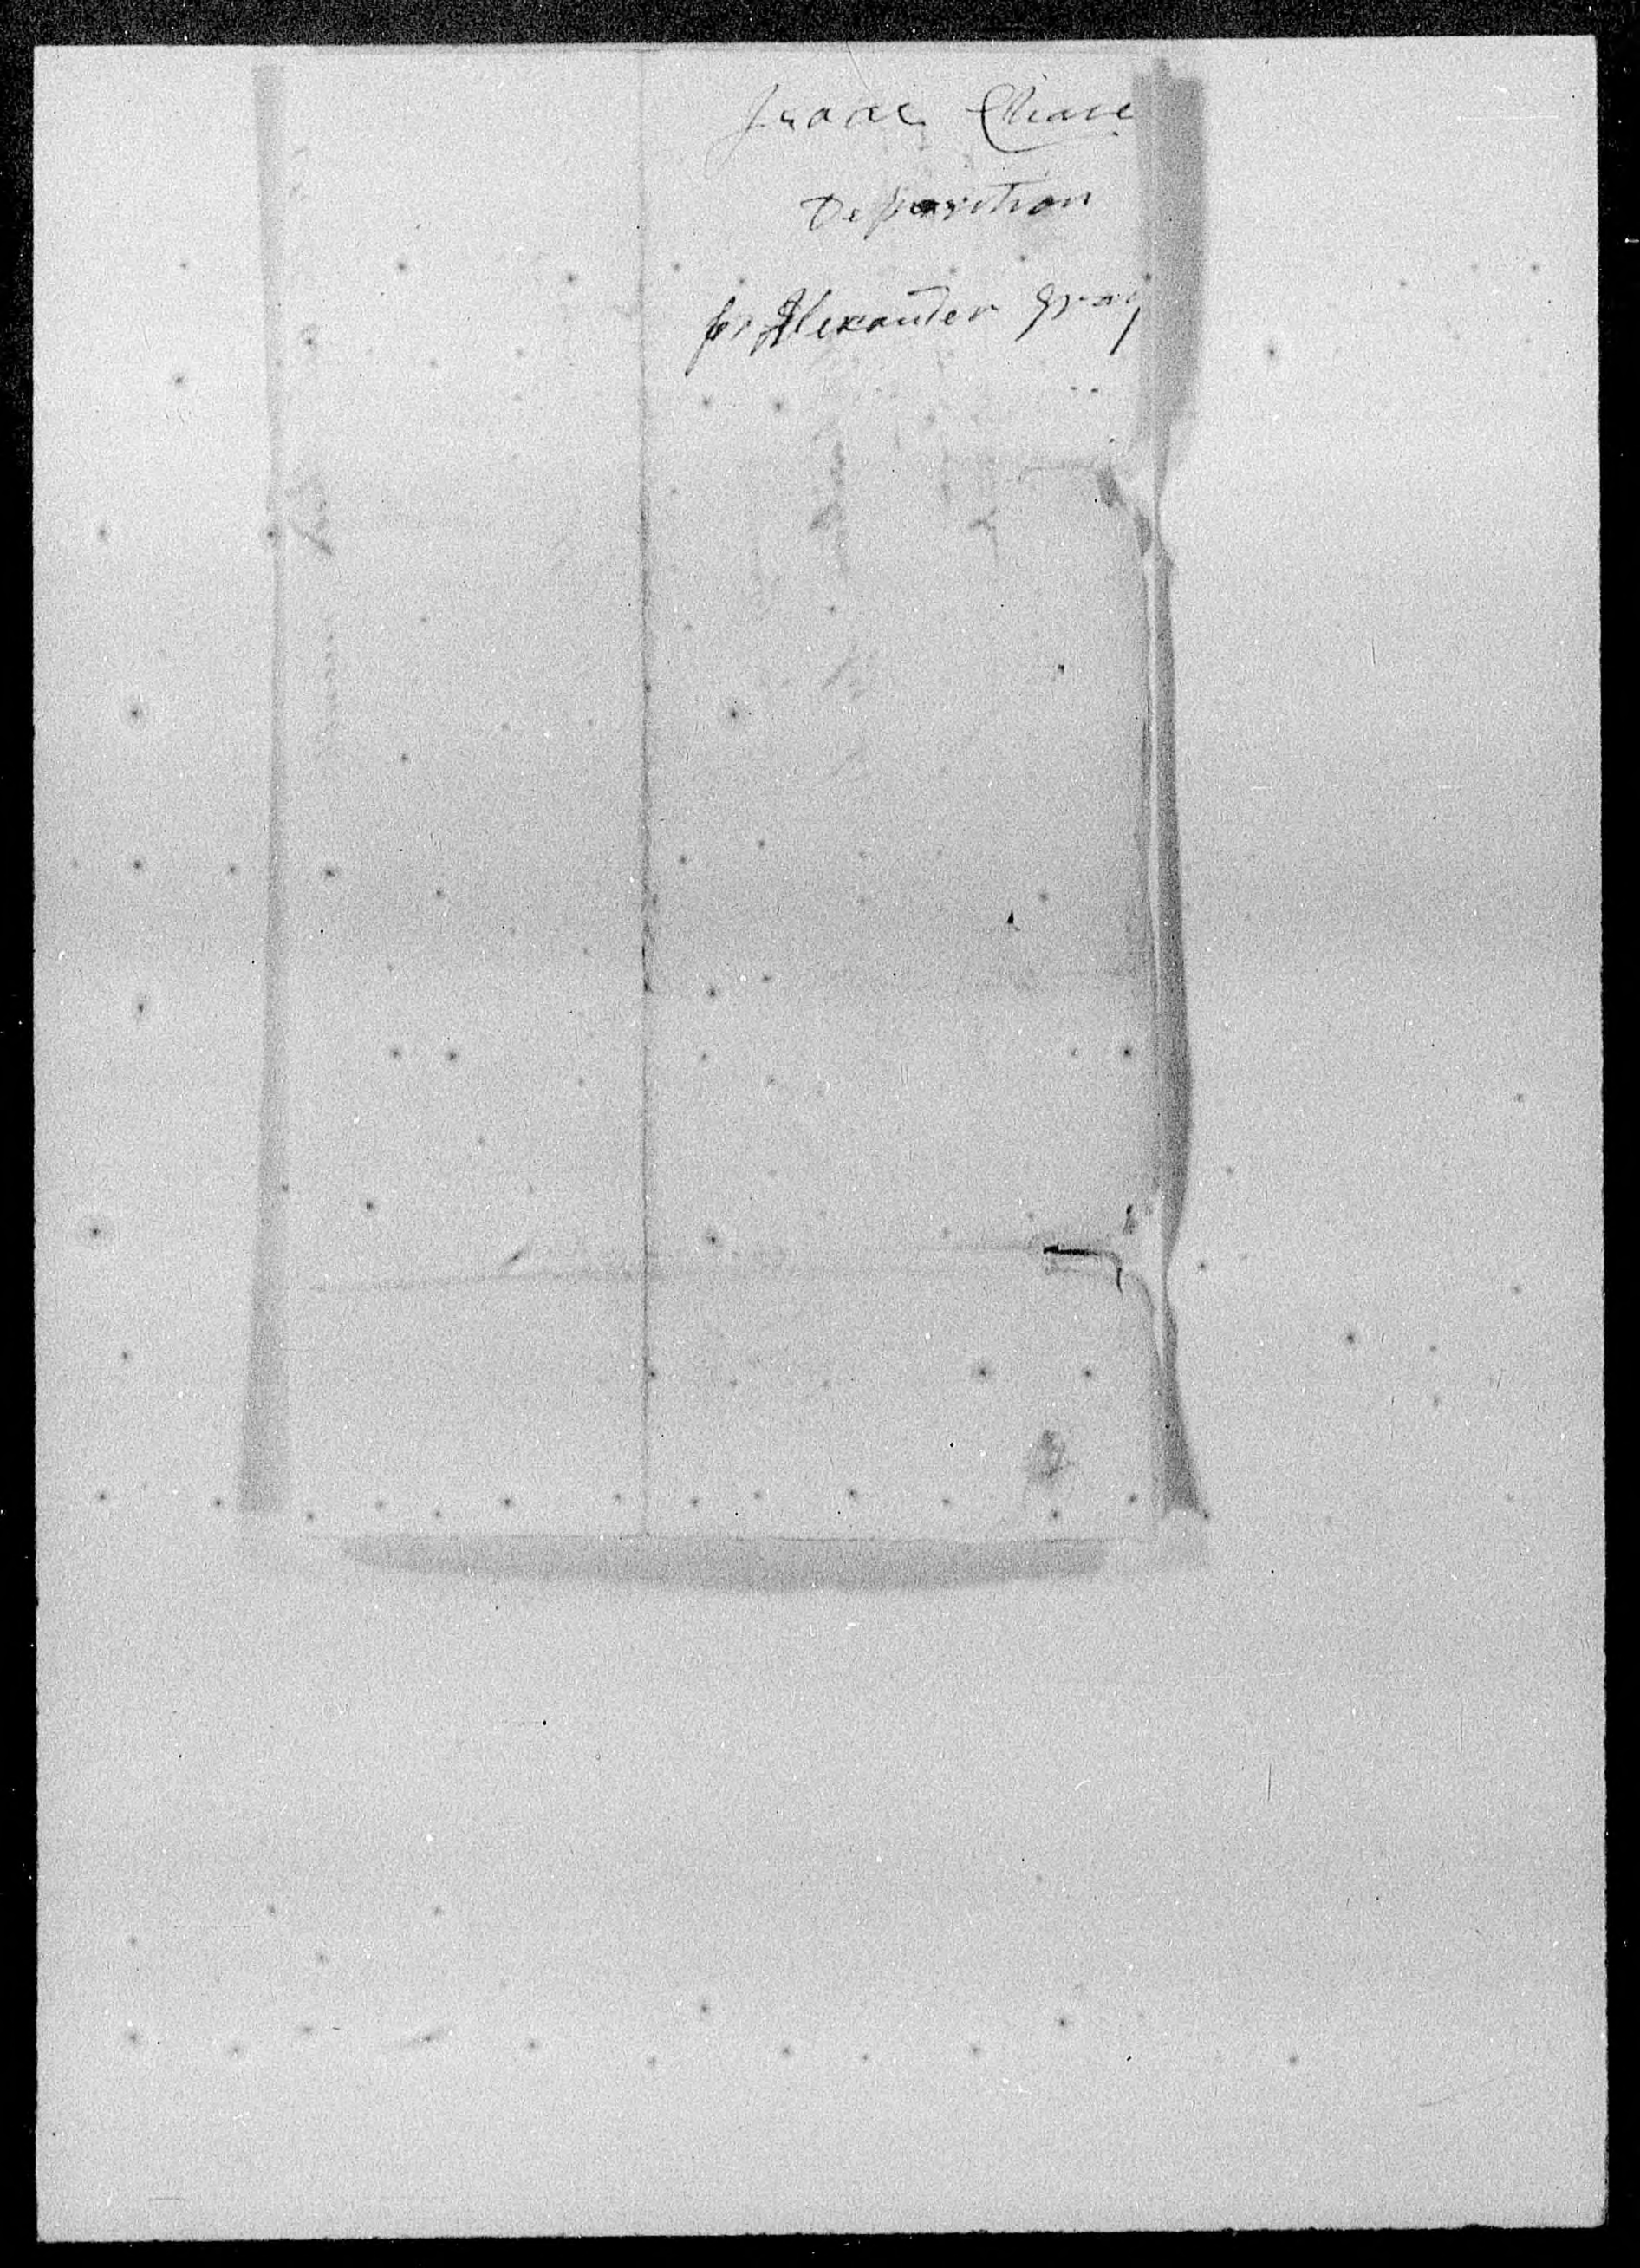Issac Chase
Deposition
for Alexander Gray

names: Alexander Gray, Isaac Chase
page: 7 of 13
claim: survivor's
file: S. 18845, Alexander Gray, Mass.